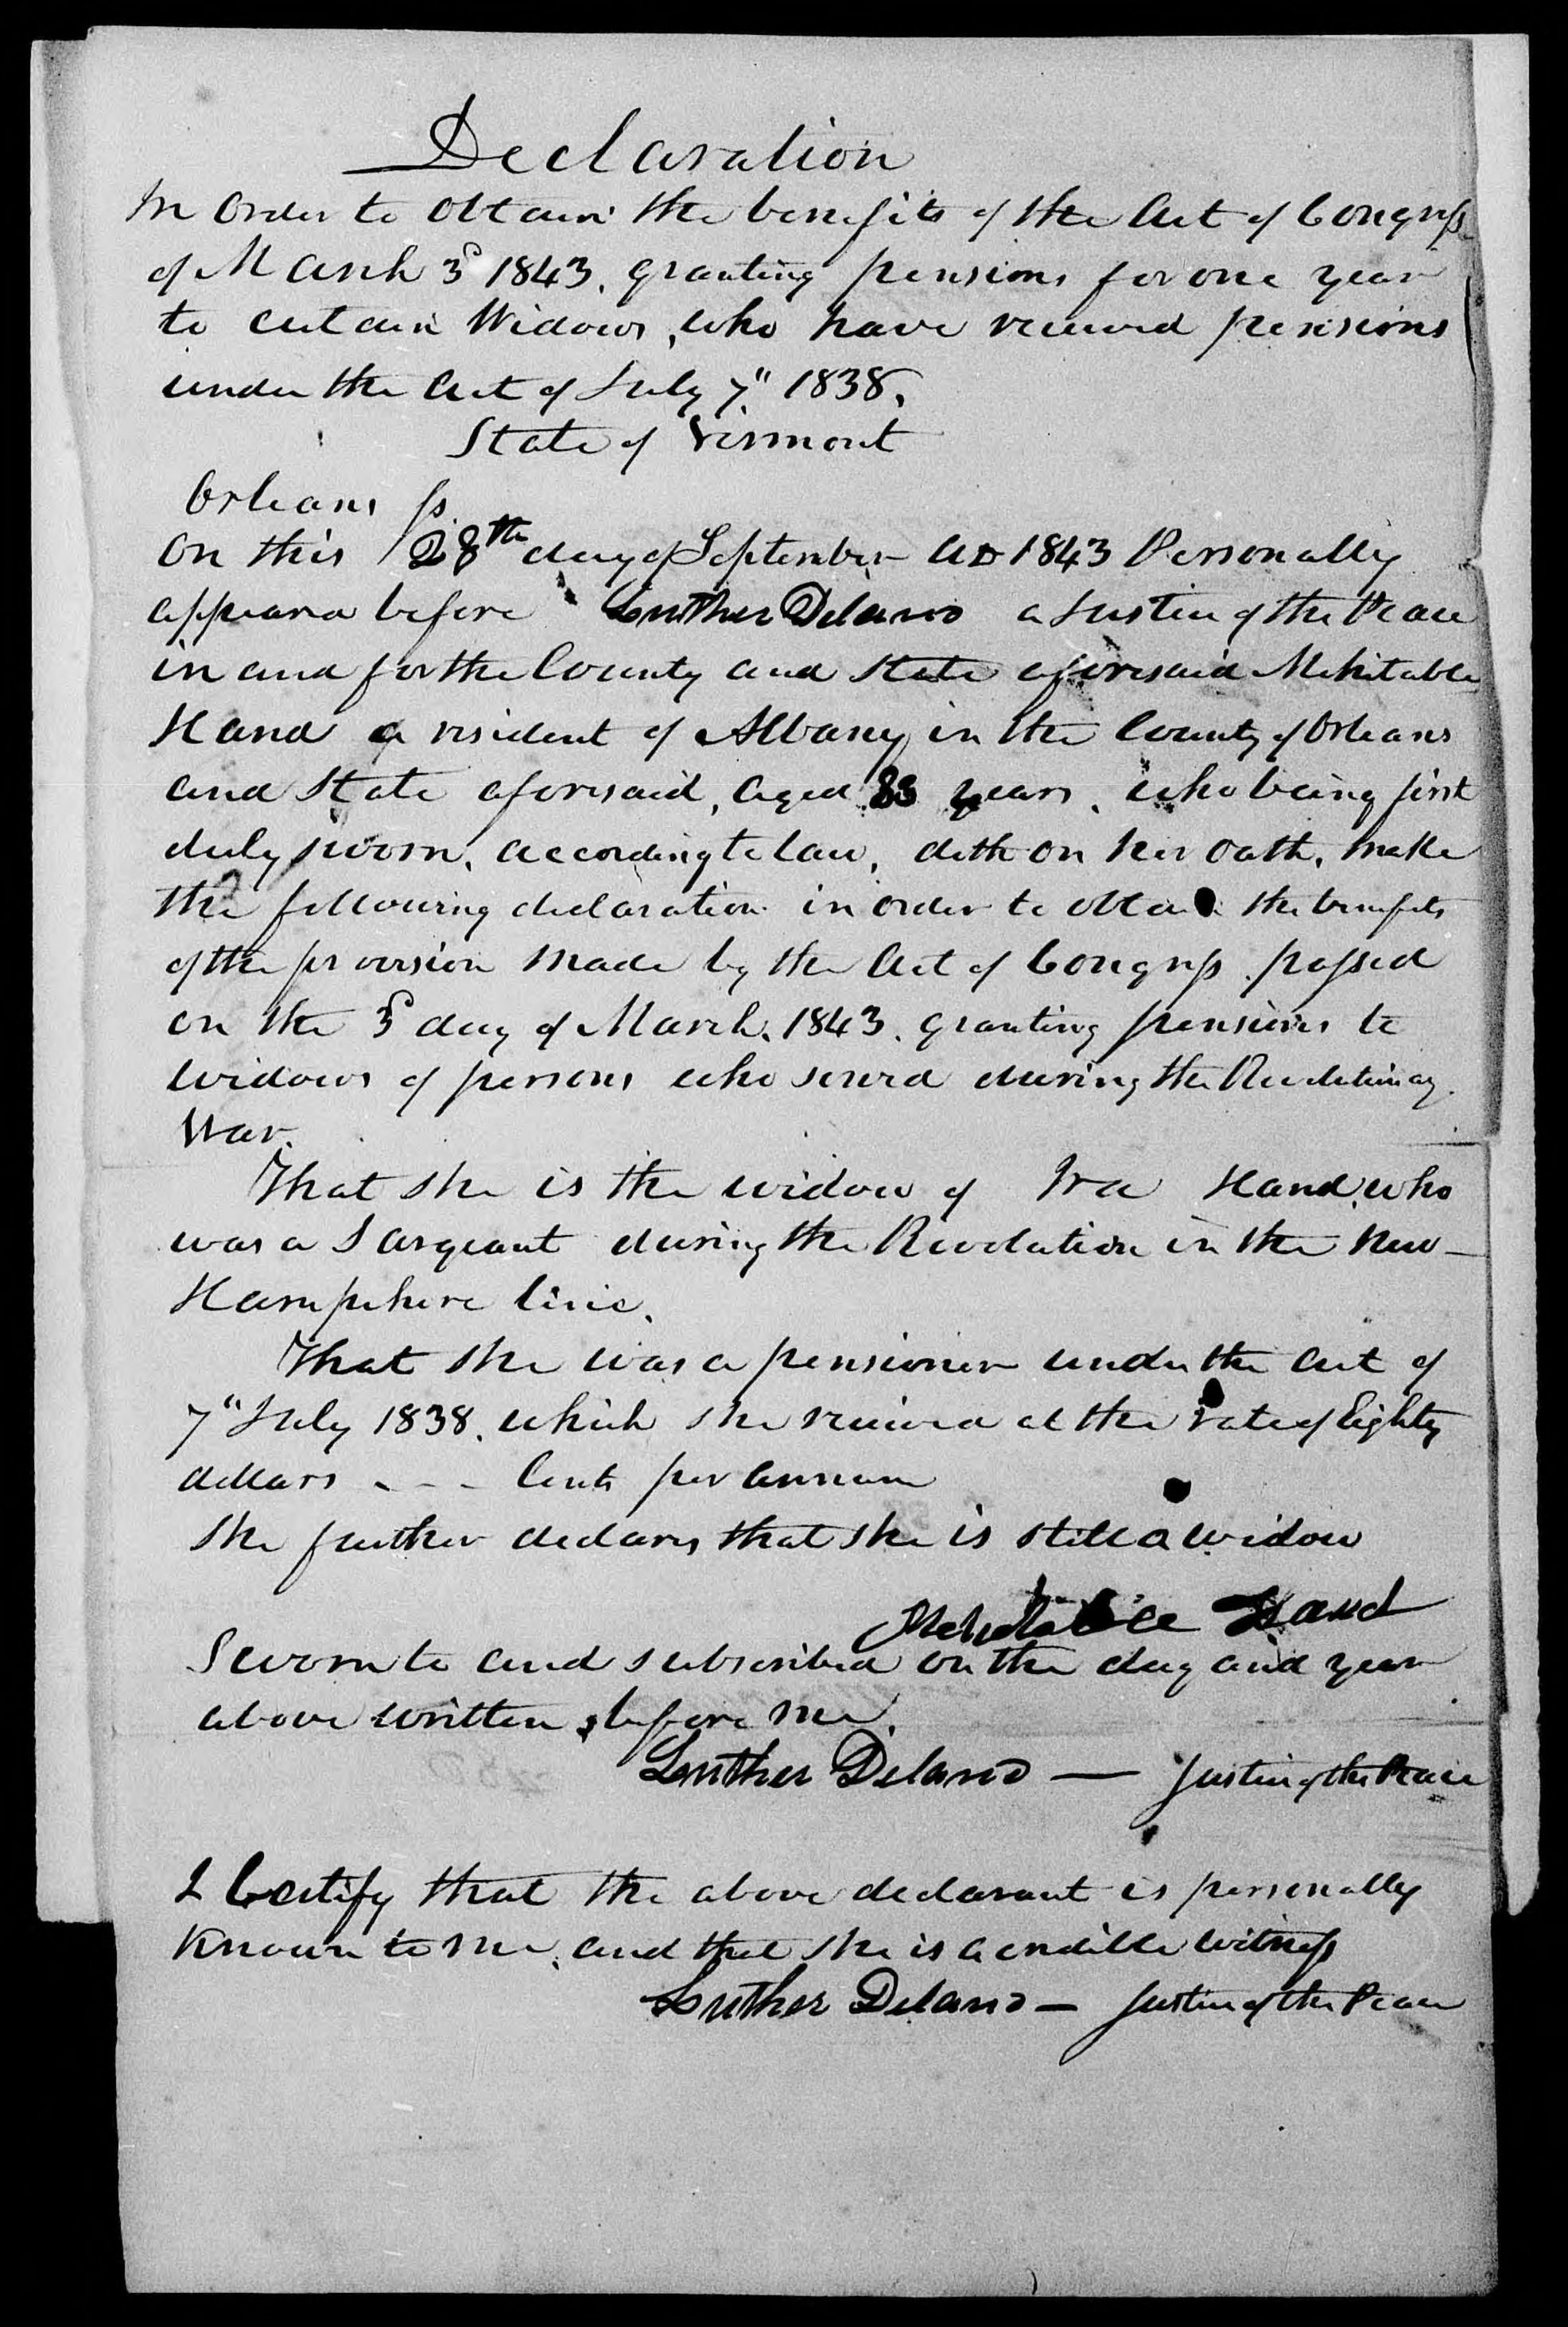Declaration
In order to obtain the best of the rent
of
of March 3d 1843 granting pensions for one year
to certain Widows who have received pensions
under the act of July 7, 1838,
Orleans
State of Vermont
On this 28th day of September AD 1843 Personally
appeared before
Luther Delano a Justice of the Peace
in and for the County and State aforesaid Mehitable
and a resident of Albany in the County of Orleans
and State aforesaid, aged 83 years who being first
duly sworn according to law, doth on her oath, make
the following declaration in order to obtain the refits
of the provision made by the act of Congress passed
on the 3d day of March 1843 granting pensions to
widows of persons who served during the Revolutionary War

That she is the widow of Ira Hand who
was a Sargeant during the Revolution in the New
Hampshire line
that she was a pensioner under the act of
7 July 1838 which she received at the rate of Eighty
dollars -- Cents per an
she further declares that she is still a widow
Mehitable Land
Sworn to and subscribed on the day and year
above written before me
Luther Deland-
Justice the same
I certify that the above declarant is personally
known to me and that she is credible witness
Suther Deland Justice of the Peace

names: Mehitable Hand, Luther Delano, Luther Delano, Ira Hand, Luther Delano, Mehetable Hand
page: 29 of 42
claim: widow's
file: W. 19,722, Ira Hand, N.H. Vt.